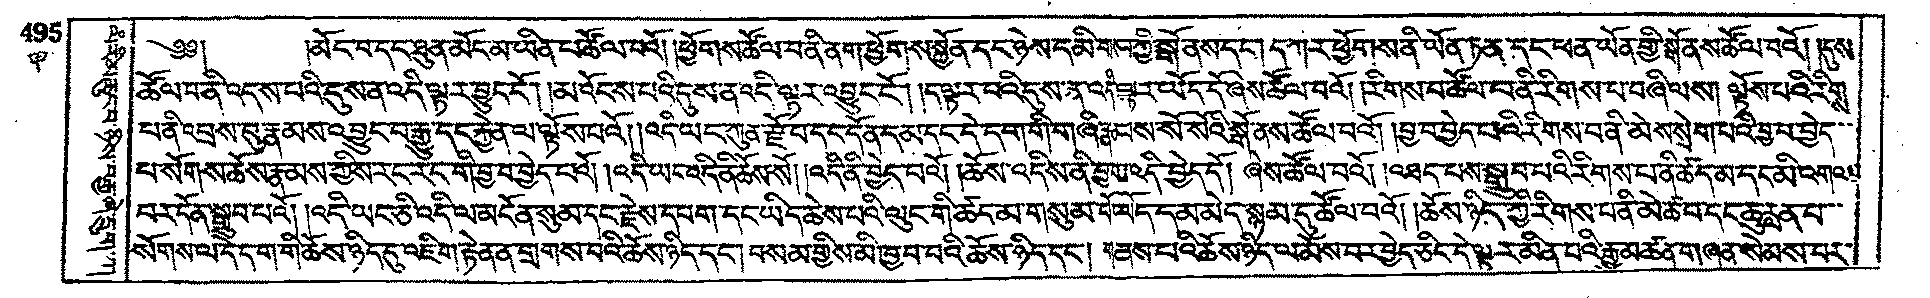༄༅། །མོང་བ་དང་ཐུན་མོང་མ་ཡིན་པ་ཚོལ་བའོ། །ཕྱོགས་ཚོལ་བ་ནི་ནག་ཕྱོགས་སྐྱོན་དང་ཉེས་དམིགས་ཀྱི་སྒོ་ནས་དང་། དཀར་ཕྱོགས་ནི་ཡོན་ཏན་དང་ཕན་ཡོན་གྱི་སྒོ་ནས་ཚོལ་བའོ། །དུས་
ཚོལ་བ་ནི་འདས་པའི་དུས་ན་འདི་ལྟར་བྱུང་ངོ། །མ་འོངས་པའི་དུས་ན་འདི་ལྟར་འབྱུང་ངོ། །ད་ལྟར་བའི་དུས་ན་འདི་ལྟར་ཡོད་དོ་ཞེས་ཚོལ་བའོ། །རིགས་པ་ཚོལ་བ་ནི་རིགས་པ་བཞི་ལས། ལྟོས་པའི་རིགས་
པ་ནི་འབྲས་བུ་རྣམས་འབྱུང་བ་རྒྱུ་དང་རྐྱེན་ལ་ལྟོས་པའོ། །འདི་ཡང་ཀུན་རྫོ་བ་དང་དོན་དམ་དང་དེ་དག་གི་གཞི་རྣམས་སོ་སོའི་སྒོ་ནས་ཚོལ་བའོ། །བྱ་བ་བྱེད་པའི་རིགས་པ་ནི་མེས་སྲེག་པའི་བྱ་བ་བྱེད་
པ་སོགས་ཆོས་རྣམས་ཀྱིས་རང་རང་གི་བྱ་བ་བྱེད་པའོ། །འདི་ཡང་འདི་ནི་ཆོས་སོ། །འདི་ནི་བྱེད་པའོ། །ཆོས་འདིས་ནི་བྱ་བ་འདི་བྱེད་དོ། ཞེས་ཚོལ་བའོ། །འཐད་པས་སྒྲུབ་པའི་རིགས་པ་ནི་ཚད་མ་དང་མི་འགལ་
བར་དོན་སྒྲུབ་པའོ། །འདི་ཡང་ཅི་འདི་ལ་མངོན་སུམ་དང་རྗེས་དཔག་དང་ཡིད་ཆེས་པའི་ལུང་གི་ཚད་མ་གསུམ་བོ་ཡོད་དམ་མེད་སྙམ་དུ་ཚོལ་བའོ། །ཆོས་ཉིད་ཀྱི་རིགས་པ་ནི་མེ་ཚ་བ་དང་ཆུ་རླན་པ་
སོགས་ལ་དེ་དག་གི་ཆོས་ཉིད་དུ་འཇིག་རྟེན་ན་གྲགས་པའི་ཆོས་ཉིད་དང་། བསམ་གྱིས་མི་ཁྱབ་པའི་ཆོས་ཉིད་དང་། གནས་པའི་ཆོས་ཉིད་ལ་མོས་པར་བྱེད་ཅིང་དེ་ལྟར་མིན་པའི་རྒྱུ་མཚན་གཞན་སེམས་པར་